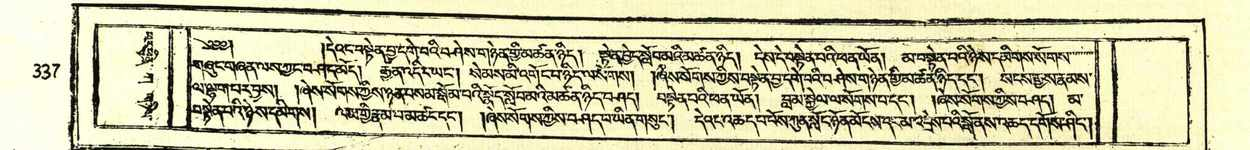༄༅༅། །དེའང་བསྟེན་བྱ་དགེ་བའི་བཤེས་གཉེན་གྱི་མཚན་ཉིད། སྟེན་བྱེད་སློབ་མའི་མཚན་ཉིད། དེས་དེ་བསྟེན་བའི་ཕན་ཡོན། མ་བསྟེན་པའི་ཉེས་དམིགས་སོགས་
གཞུང་གཞན་ལས་ཀྱང་བཤད་མོད། རྒྱན་འདིར་ཡང་། སེམས་མི་འགོང་བ་ཉིད་ལ་སོགས། །ཞེས་སོགས་ཀྱིས་བསྟེན་བྱ་དགེ་བའི་བཤེས་གཉེན་གྱི་མཚན་ཉིད་དང་། སངས་རྒྱས་རྣམས་
ལ་ལྷག་པར་བྱས། །ཞེས་སོགས་ཀྱིས་ཉན་བསམ་སྒོམ་བའི་སྣོད་སློབ་མའི་མཚན་ཉིད་བཤད། བསྟེན་བའི་ཕན་ཡོན། བླ་མ་སྐྱེལ་ལ་སོགས་པ་དང་། །ཞེས་སོགས་ཀྱིས་བཤད། མ་
བསྟེན་པའི་ཉེས་དམིགས། ལམ་གྱི་རྣམ་པ་མཚང་དང་། །ཞེས་སོགས་ཀྱིས་བཤད་པ་ཡིན་གསུང་། དེའང་འཆད་བ་པོས་ཀུན་སློང་ཉོན་མོངས་དང་མ་འདྲེས་པའི་སྒོ་ནས་འཆད་དགོས་ཤིང་།